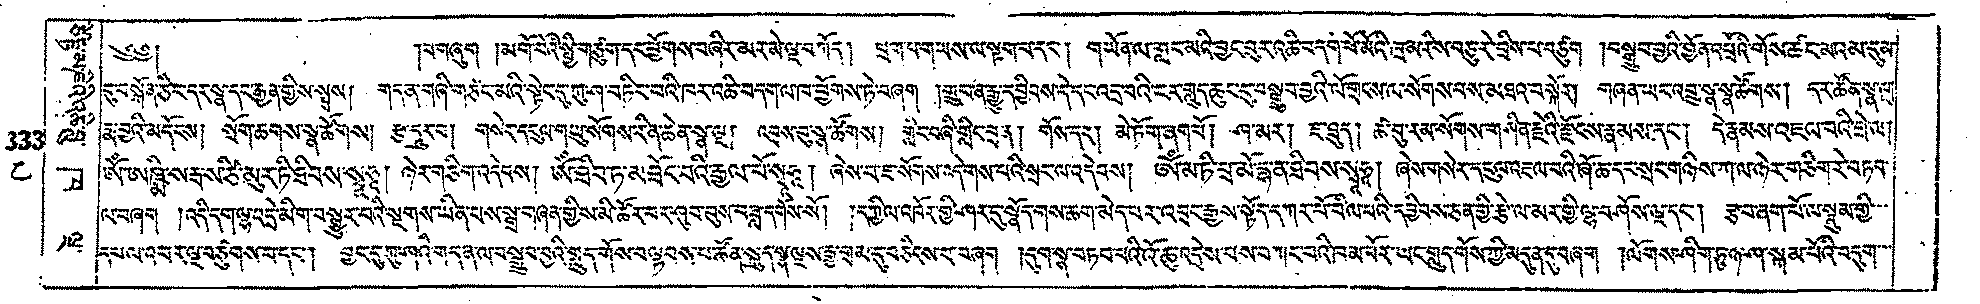༄༅། །པ་གཞུག །མགོ་བོའི་སྤྱི་གཙུག་དང་ཕྱོགས་བཞིར་མར་མེ་ལྔ་བཀོད། ཕྲག་པ་གཡས་ལ་སྟག་པ་དང་། གཡོན་ལ་གླང་མའི་བྱང་བུར་འཆི་བདག་ཕོ་མོའི་ཁྲམ་རིས་བཅུ་རེ་བྲིས་པ་བཙུག །བསྒྲུབ་བྱའི་གྱོན་འཕྲོའི་གོས་ཚང་མའམ་དུམ་
བུ་བསྐོན་ཅིང་དར་སྣ་དང་རྒྱན་གྱིས་སྤྲས། གདན་གཞི་གཙང་མའི་སྟེང་དུ་ཀུ་ཤ་བཏིང་བའི་ཁར་འཆི་བདག་ལ་ཁ་ཕྱོགས་ཏེ་བཞག །གྲུབ་ན་རྒྱུ་དབྱིབས་དེ་དང་འདྲ་བའི་ངར་གླུད་ཆུང་ངུ་བསྒྲུབ་བྱའི་ལོ་གྲངས་ལ་སོགས་པས་མཐའ་བསྐོར། གཞན་ཡང་འབྲུ་སྣ་སྣ་ཚོགས། དར་ཚོན་སྣ་ལྔ།
རྨ་བྱའི་མདོངས། སྲོག་ཆགས་སྣ་ཚོགས། རྩ་དཱུར་བ། གསེར་དངུལ་གཡུ་སོགས་རིན་ཆེན་སྣ་ལྔ། འབྲས་བུ་སྣ་ཚོགས། གླིང་བཞི་གླིང་ཕྲན། གོས་དར། མེ་ཏོག་ནག་པོ། ཤ་མར། ཇ་ཐུད། ཚ་བུ་རམ་སོགས་གཤིན་རྗེའི་རྫོངས་རྣམས་དང་། དེ་རྣམས་འཇལ་བའི་བྲེ་ལ།
ཨོཾ་ཨཥྨི་སརྦ་ས་ཙི་མུར་ཏི་ཐིབས་སྭཱཧཱ། ཉེར་གཅིག་འདེབས།  ཨོཾ་ཐིབ་ཏ་མཐོང་བའི་རྒྱལ་པོ་སྭཱཧཱ། ཞེས་པ་ཇ་སོགས་འདེགས་པའི་སྲང་ལ་འདེབས།  ཨོཾ་མ་ཏི་པྲ་མོ་དྷ་ན་ཐིབས་སྭཱཧཱ། ཞེས་གསེར་དངུལ་འཇལ་བའི་ཞོ་ཆ་དང་སྲང་གཉིས་ཀ་ལ་ཉེར་གཅིག་རེ་བཏབ་
ལ་བཞག །འདི་དག་ལྷ་འདྲེ་མིག་བསྒྱུར་བའི་སྔགས་ཡིན་པས་སྒྲ་གཞན་གྱིས་མི་ཚོར་བར་ཤུབ་བུས་བཟླ་དགོས་སོ། །དཀྱིལ་འཁོར་གྱི་ཤར་དུ་སྣོད་གས་ཆག་མེད་པར་འབྲང་རྒྱས་སྟོད་དཀར་པོ་བིལ་པའི་དབྱིབས་ཅན་གྱི་རྩེ་ལ་མར་གྱི་ལྷ་བཤོས་ལྔ་དང་། རྩ་བ་ནག་པོ་ལ་སྣུམ་གྱི་་་
དཔལ་འབར་ལྔ་བཙུགས་པ་དང་། བྱང་དུ་ཀུ་ཤའི་གདན་ལ་བསྒྲུབ་བྱའི་གླུད་གོས་བལྟབས་པ་ཚོན་སྐུད་སྣ་ལྔས་རྒྱས་གྲམ་དུ་བཅིངས་པ་བཞག །དུག་སྣ་བཏབ་པའི་འོ་ཆུ་འདྲེས་པས་བཀང་བའི་ཁམ་ཕོར་ཡང་གླུད་གོས་ཀྱི་མདུན་དུ་བཞག །ལོགས་ཤིག་ཏུ་ཉ་ཤ་སྐམ་པོའི་བདུག་་་